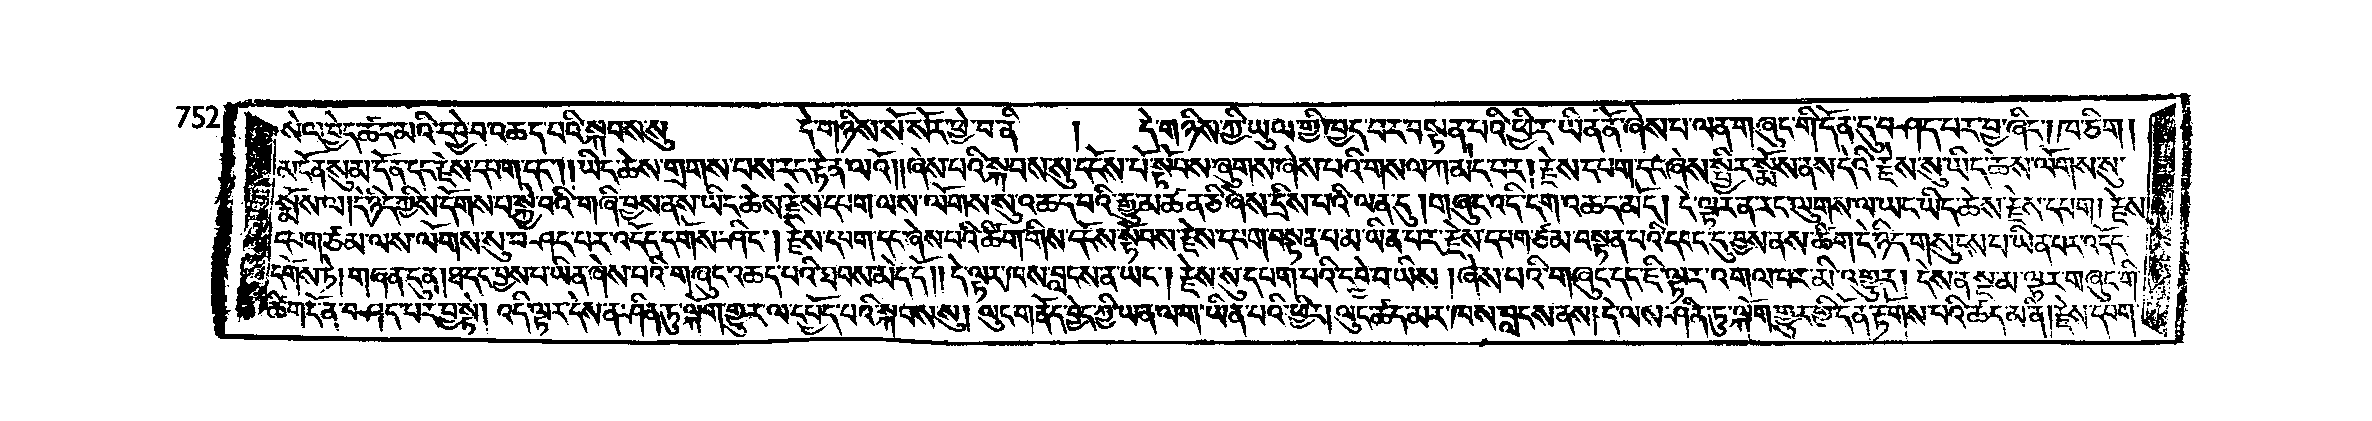སེལ་བྱེད་ཚད་མའི་དབྱེ་བ་འཆད་པའི་སྐབས་སུ་དེ་གཉིས་སོ་སོར་ཕྱེ་བ་ནི། དེ་གཉིས་ཀྱི་ཡུལ་གྱི་ཁྱད་པར་བསྟན་པའི་ཕྱིར་ཡིན་ནོ་ཞེས་པ་ལན་གཞུང་གི་དོན་དུ་བཤད་པར་བྱ་ཞིང་། ཁ་ཅིག།
མངོན་སུམ་དོན་དང་རྗེས་དཔག་དང་། །ཡིད་ཆེས་གྲགས་པས་རང་རྟེན་ལའོ། །ཞེས་པའི་སྐབས་སུ་དངོས་པོ་སྟོབས་ཞུགས་ཞེས་པའི་གསལ་ཀ་མེད་པར། རྗེས་དཔག་དང་ཞེས་སྤྱིར་སྨོས་ནས་དེའི་རྗེས་སུ་ཡིད་ཆེས་ལོགས་སུ་
སྨོས་ལ། དེ་ཉིད་ཀྱིས་དོགས་པ་སྐྱེ་བའི་གཞི་བྱས་ནས་ཡིད་ཆེས་རྗེས་དཔག་ལས་ལོགས་སུ་འཆད་པའི་རྒྱུ་མཚན་ཅི་ཞེས་དྲིས་པའི་ལན་དུ། གཞུང་འདི་དག་འཆད་མོད། དེ་ལྟར་ན་རང་ལུགས་ལ་ཡང་ཡིད་ཆེས་རྗེས་དཔག། རྗེས་
དཔག་ཙམ་ལས་ལོགས་སུ་བཤད་པར་འདོད་དགོས་ཤིང་། རྗེས་དཔག་དག་ཞེས་པའི་ཚིག་གིས་དངོས་སྟོབས་རྗེས་དཔག་བསྟན་པ་མ་ཡིན་པར་རྗེས་དཔག་ཙམ་བསྟན་པའི་དབང་དུ་བྱས་ནས་ཚིག་དེ་ཉིད་གསུངས་པ་ཡིན་པར་འདོད་
དགོས་ཏེ། གཞན་དུ་ན། ཐ་དད་བྱས་པ་ཡིན་ཞེས་པའི་གཞུང་འཆད་པའི་ཐབས་མེད་དོ། །དེ་ལྟར་ཁས་བླངས་ན་ཡང་། རྗེས་སུ་དཔག་པའི་དབྱེ་བ་ཡིས། ཞེས་པའི་གཞུང་དང་ཇི་ལྟར་འགལ་བར་མི་འགྱུར། དེས་ན་སྔ་མ་ལྟར་གཞུང་གི་
ཚིག་དོན་བཤད་པར་བྱ་སྟེ། འདི་ལྟར་དེས་ན་ཤིན་ཏུ་ལྐོག་གྱུར་ལ་དཔྱོད་པའི་སྐབས་སུ། ལུང་གནོད་བྱེད་ཀྱི་ཡན་ལག་ཡིན་པའི་ཕྱིར། ལུང་ཚད་མར་ཁས་བླངས་ནས། དེ་ལས་ཤིན་ཏུ་ལྐོག་གྱུར་གྱི་དོན་རྟོགས་པའི་ཚད་མ་ནི། རྗེས་དཔག་